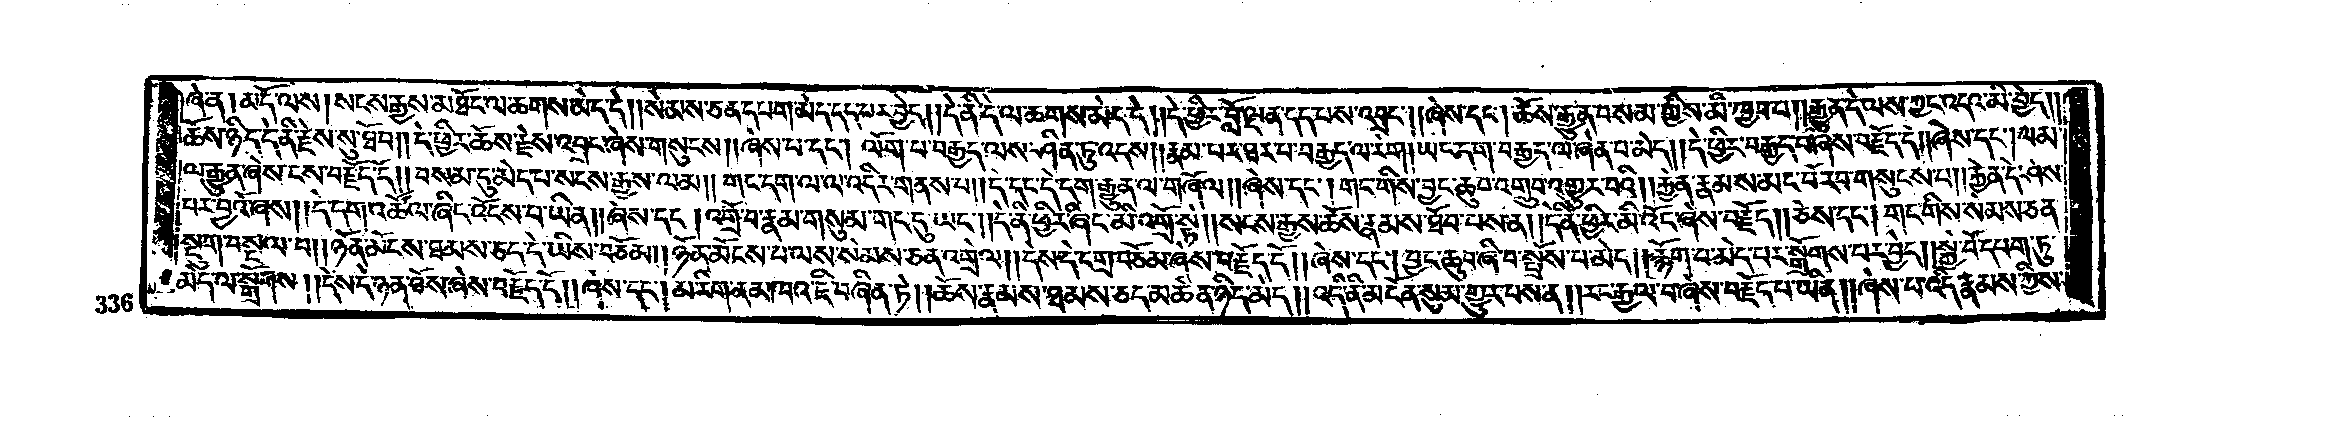ཞེ་ན། མདོ་ལས། སངས་རྒྱས་མཐོང་ལ་ཆགས་མེད་དེ། །སེམས་ཅན་དཔག་མེད་དད་པར་བྱེད། །དེ་ནི་དེ་ལ་ཆགས་མེད་དེ། །དེ་ཕྱིར་བློ་ལྡན་དད་པས་འབྲང་། །ཞེས་དང་། ཆོས་རྒྱུན་བསམ་གྱིས་མི་ཁྱབ་པ། །རྒྱུན་དེ་ལས་ཀྱང་འདའ་མི་བྱེད། །
ཆོས་ཉིད་དེ་ནི་རྗེས་སུ་ཐོབ། །དེ་ཕྱིར་ཆོས་རྗེས་འབྲང་ཞེས་གསུངས། །ཞེས་པ་དང་། ལོག་པ་བརྒྱད་ལས་ཤིན་ཏུ་འདས། །རྣམ་པར་ཐར་པ་བརྒྱད་ལ་རེག །ཡང་དག་བརྒྱད་ལ་ཞེན་པ་མེད། །དེ་ཕྱིར་བརྒྱད་པ་ཞེས་བརྗོད་དོ། །ཞེས་དང་། ལམ་
ལ་རྒྱུན་ཞེས་པས་བརྗོད་དོ། །བསམ་དུ་མེད་པ་སངས་རྒྱས་ལམ། །གང་དག་ལ་ལ་འདིར་གནས་པ། །དེ་དང་དེ་དག་རྒྱུན་ལ་གཞོལ། །ཞེས་དང་། གང་གིས་བྱང་ཆུབ་འགྲུབ་འགྱུར་པའི། །རྐྱེན་རྣམས་མང་པོ་རབ་གསུངས་པ། །རྐྱེན་དེ་ཤེས་
པར་བྱའོ་ཞེས། །དེ་དག་འཚོལ་ཞིང་འོངས་པ་ཡིན། །ཞེས་དང་། འགྲོ་བ་རྣམ་གསུམ་གང་དུ་ཡང་། །དེ་ནི་ཕྱིར་ཞིང་མི་འགྲོ་སྟེ། །སངས་རྒྱས་ཆོས་རྣམས་ཐོབ་པས་ན། །དེ་ནི་ཕྱིར་མི་འོང་ཞེས་བརྗོད། །ཅེས་དང་། གང་གིས་སེམས་ཅན་
སྡུག་བསྔལ་བ། །ཉོན་མོངས་ཐམས་ཅད་དེ་ཡིས་བཅོམ། །ཉོན་མོངས་པ་ལས་སེམས་ཅན་འགྲེལ། །དེས་དེ་དགྲ་བཅོམ་ཞེས་བརྗོད་དོ། །ཞེས་དང་། བྱང་ཆུབ་ཞི་བ་སྤྲོས་པ་མེད། །རྙོག་པ་མེད་པར་སྒྲོགས་པར་བྱེད། །སྐྱེ་བོ་དཔག་ཏུ་
མེད་ལ་སྒྲོགས། །དེས་དེ་ཉན་ཐོས་ཞེས་བརྗོད་དོ། །ཞེས་དང་། མ་རིག་ནམ་མཁའ་ཇི་བཞིན་ཏེ། །ཆོས་རྣམས་ཐམས་ཅད་མཚན་ཉིད་མེད། །འདི་ནི་མངོན་སུམ་གྱུར་བས་ན། །རང་རྒྱལ་བཞེས་བརྗོད་པ་ཡིན། །ཞེས་པ་འདི་རྣམས་ཀྱིས་